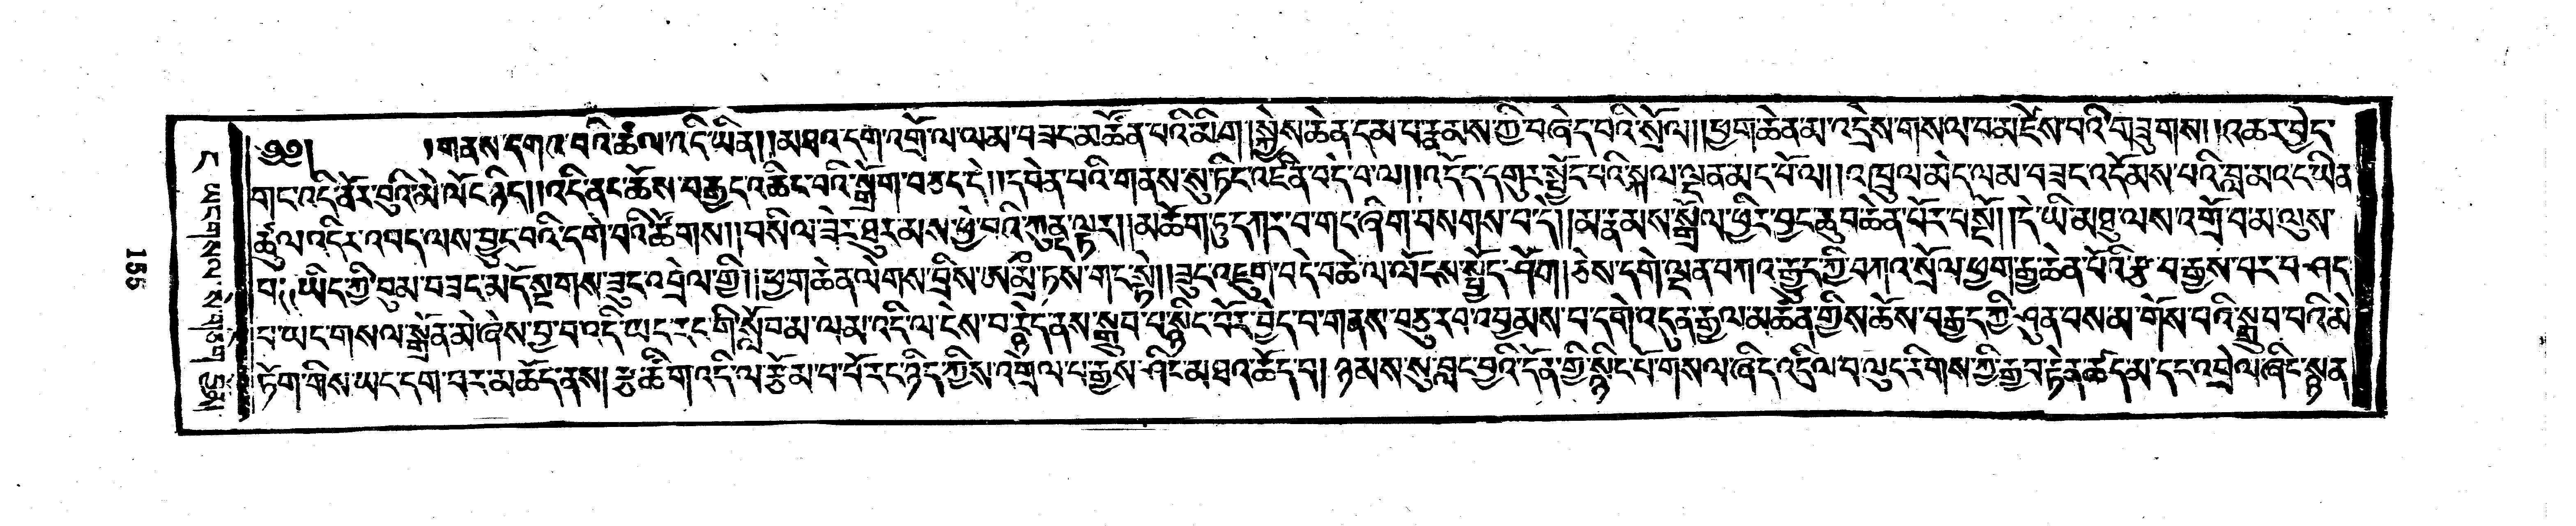༄༅། །གནས་དགའ་བའི་ཚལ་འདི་ཡིན། །མཐའ་དག་འགྲོ་ལ་ལམ་བཟང་མཚོན་པའི་མིག །སྐྱེས་ཆེན་དམ་པ་རྣམས་ཀྱི་བཞེད་པའི་སྲོལ། །ཕྱག་ཆེན་མ་འདྲེས་གསལ་བ་མཛེས་པའི་གཟུགས། །འཆར་བྱེད་
གང་འདི་ནོར་བུའི་མེ་ལོང་ཉིད། །འདི་ནང་ཆོས་བརྒྱང་འཆིང་བའི་སྒྲོག་བཅད་དེ། །དབེན་པའི་གནས་སུ་ཏིང་འཛིན་བདེ་བ་ལ། །འདོད་དགུར་སྤྱོད་པའི་སྐལ་ལྡན་མང་པོ་ལ། །འཁྲུལ་མེད་ལམ་བཟང་འདོམས་པའི་བླ་མའང་ཡིན།།
ཚུལ་འདིར་འབད་ལས་བྱུང་བའི་དགེ་བའི་ཚོགས། །བསིལ་ཟེར་ཐུར་མས་ཕྱེ་བའི་ཀུནྡ་ལྟར། །མཆོག་ཏུ་དཀར་བ་གང་ཞིག་བསགས་པ་དེ། །མ་རྣམས་སྒྲོལ་ཕྱིར་བྱང་ཆུབ་ཆེན་པོར་བསྔོ། །དེ་ཡི་མཐུ་ལས་འགྲོ་བ་མ་ལུས་
པ། །ཡིད་ཀྱི་བུམ་བཟང་མདོ་སྔགས་ཟུང་འབྲེལ་གྱི། །ཕྱག་ཆེན་ལགས་བྲིས་ཨིམྲ་ཏས་གང་སྟེ། །ཟུང་འཇུག་བདེ་བ་ཆེ་ལ་ལོངས་སྤྱོད་ཤོག །ཅེས་དགེ་ལྡན་བཀའ་རྒྱུད་ཀྱི་བཀའ་སྲོལ་ཕྱག་རྒྱ་ཆེན་པོའི་རྩ་བ་རྒྱས་པར་བཤད་
པ་ཡང་གསལ་སྒྲོན་མེ་ཞེས་བྱ་བ་འདི་ཡང་རང་གི་སློབ་མ་ལམ་འདི་ལ་ངེས་པ་རྙེད་ནས་སྒྲུབ་པ་སྙིང་པོར་བྱེད་པ་གནས་བཅུ་རབ་འབྱམས་པ་དགེ་འདུན་རྒྱལ་མཚན་གྱིས་ཆོས་བརྒྱད་ཀྱི་ཤུན་པས་མ་གོས་པའི་སྒྲུབ་པའི་མེ་
ཏོག་གིས་ཡང་དག་པར་མཆོད་ནས། རྩ་ཚིག་འདི་ལ་རྩོམ་པ་པོ་རང་ཉིད་ཀྱིས་འགྲེལ་པ་རྒྱས་ཤིང་མཐའ་ཆོད་པ། ཉམས་སུ་བླང་བྱའི་དོན་གྱི་སྙིང་པོ་གསལ་ཞིང་འདྲིལ་བ་ལུང་རིགས་ཀྱི་རྒྱ་བརྟེན་ཚད་མ་དང་འབྲེལ་ཞིང་སྙན་